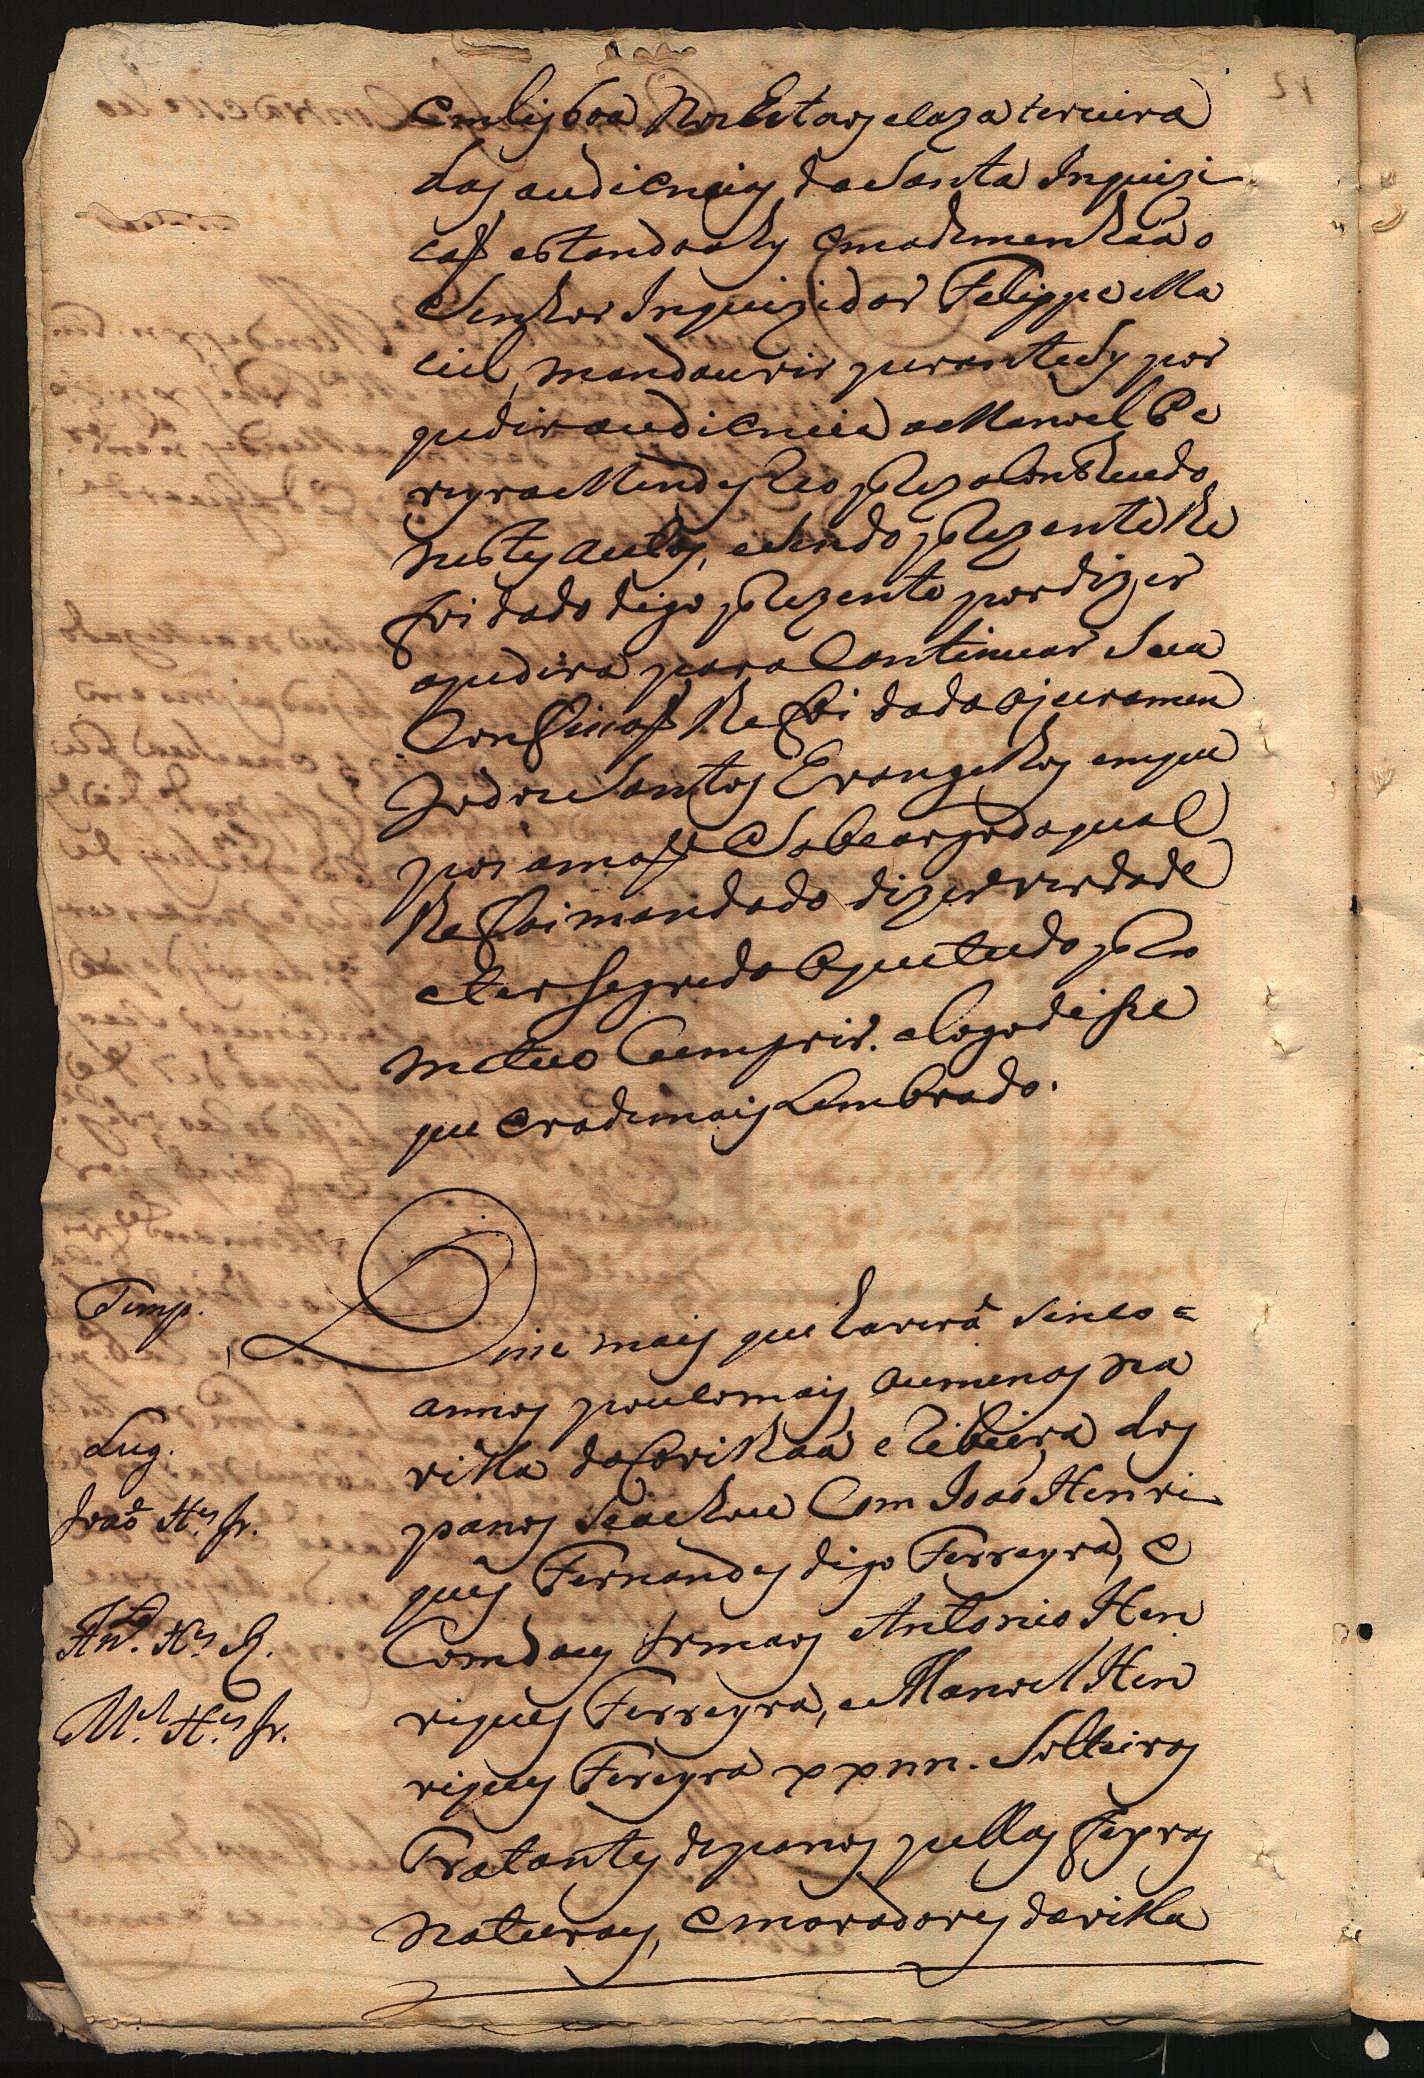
em lisboa nos Estaos e caza terceira
das audiencias da Santa Inquizi
caõ estando ahy em a de menhaã o
Senhor Inquizidor Felippe Ma
ciel, mandou vir perante sy por
pedir audiencia a Manoel Pe
reyra Mendes Reo preso contheudo
nestes autos, e sendo prezente lhe
foi dado digo prezente por dizer
a pedira para continuar sua
confissaõ lhe foi dado o juramen
to dos Santos Evangelhos em que
pos a maõ Sob cargo do qual
lhe foi mandado dizer verdade
e ter segredo o que tudo pro
meteo cumprir. e logo disse
que era de mais Lembrado.
Disse mais que haverâ sinco
annos pouco mais, ou menos na
villa da Covilhaã e Ribeira dos
panos se achou Com Ioaõ Henri
ques Fernandes digo Ferreyra, e
Com dous Irmaos Antonio Hen
riques Ferreyra, e Manoel Hen
riques Fereyra xxnn. Solteiros
Tratantes de panos pellas feyras
naturaes, e moradores da villa
